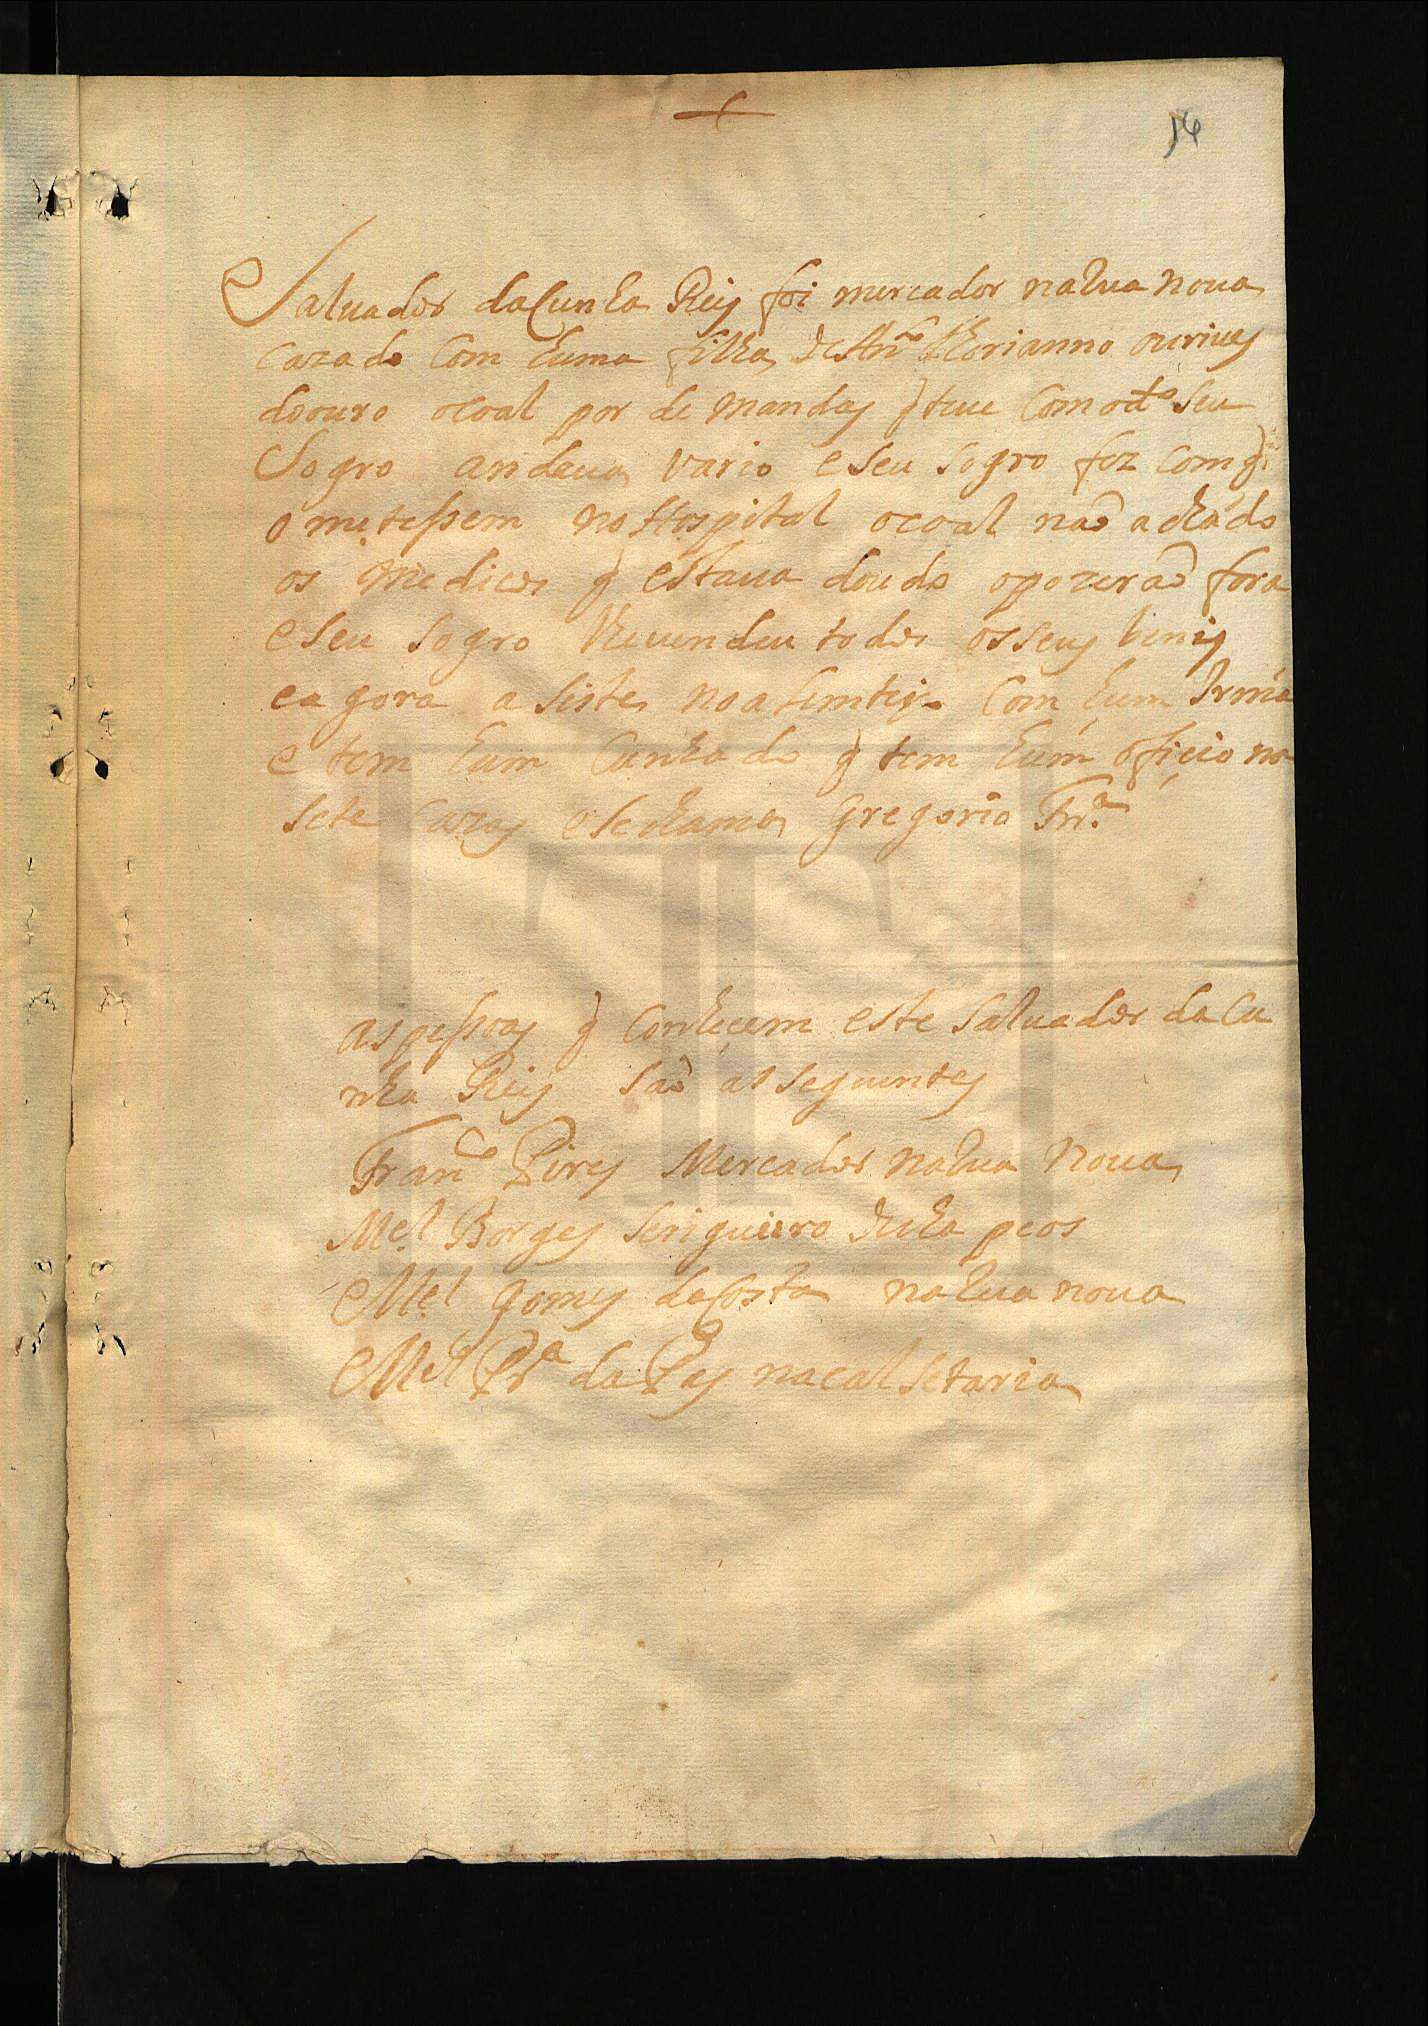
Saluador da Cunha Reis foi mercador na Rua noua
cazado com huma filha de Anto thorianno ouriues
do ouro o coal por demandas q̄ teue Com o d̄o seu
Sogro andaua vario e seu sogro fez com q̄
o metessem no Hospital o coal naõ achādo
os médicos q̄ estaua doudo o pozeraõ fora
e seu sogro lhe uendeu todos os seus benis
e agora asiste no alemteyo Com hum Irmã
e tem hum Cunhado q̄ tem hum oficio na
sete cazas e se chama Gregorio Frr.a
as pessoas q̄ conhecem este saluador da cu
nha Reis saõ as seguintes
Franco Pires Mercador na Rua noua
M.el Borges Serigueiro de chapeos
M.el gomes da Costa na Rua noua
Mel Pra da Pas na calsetaria
